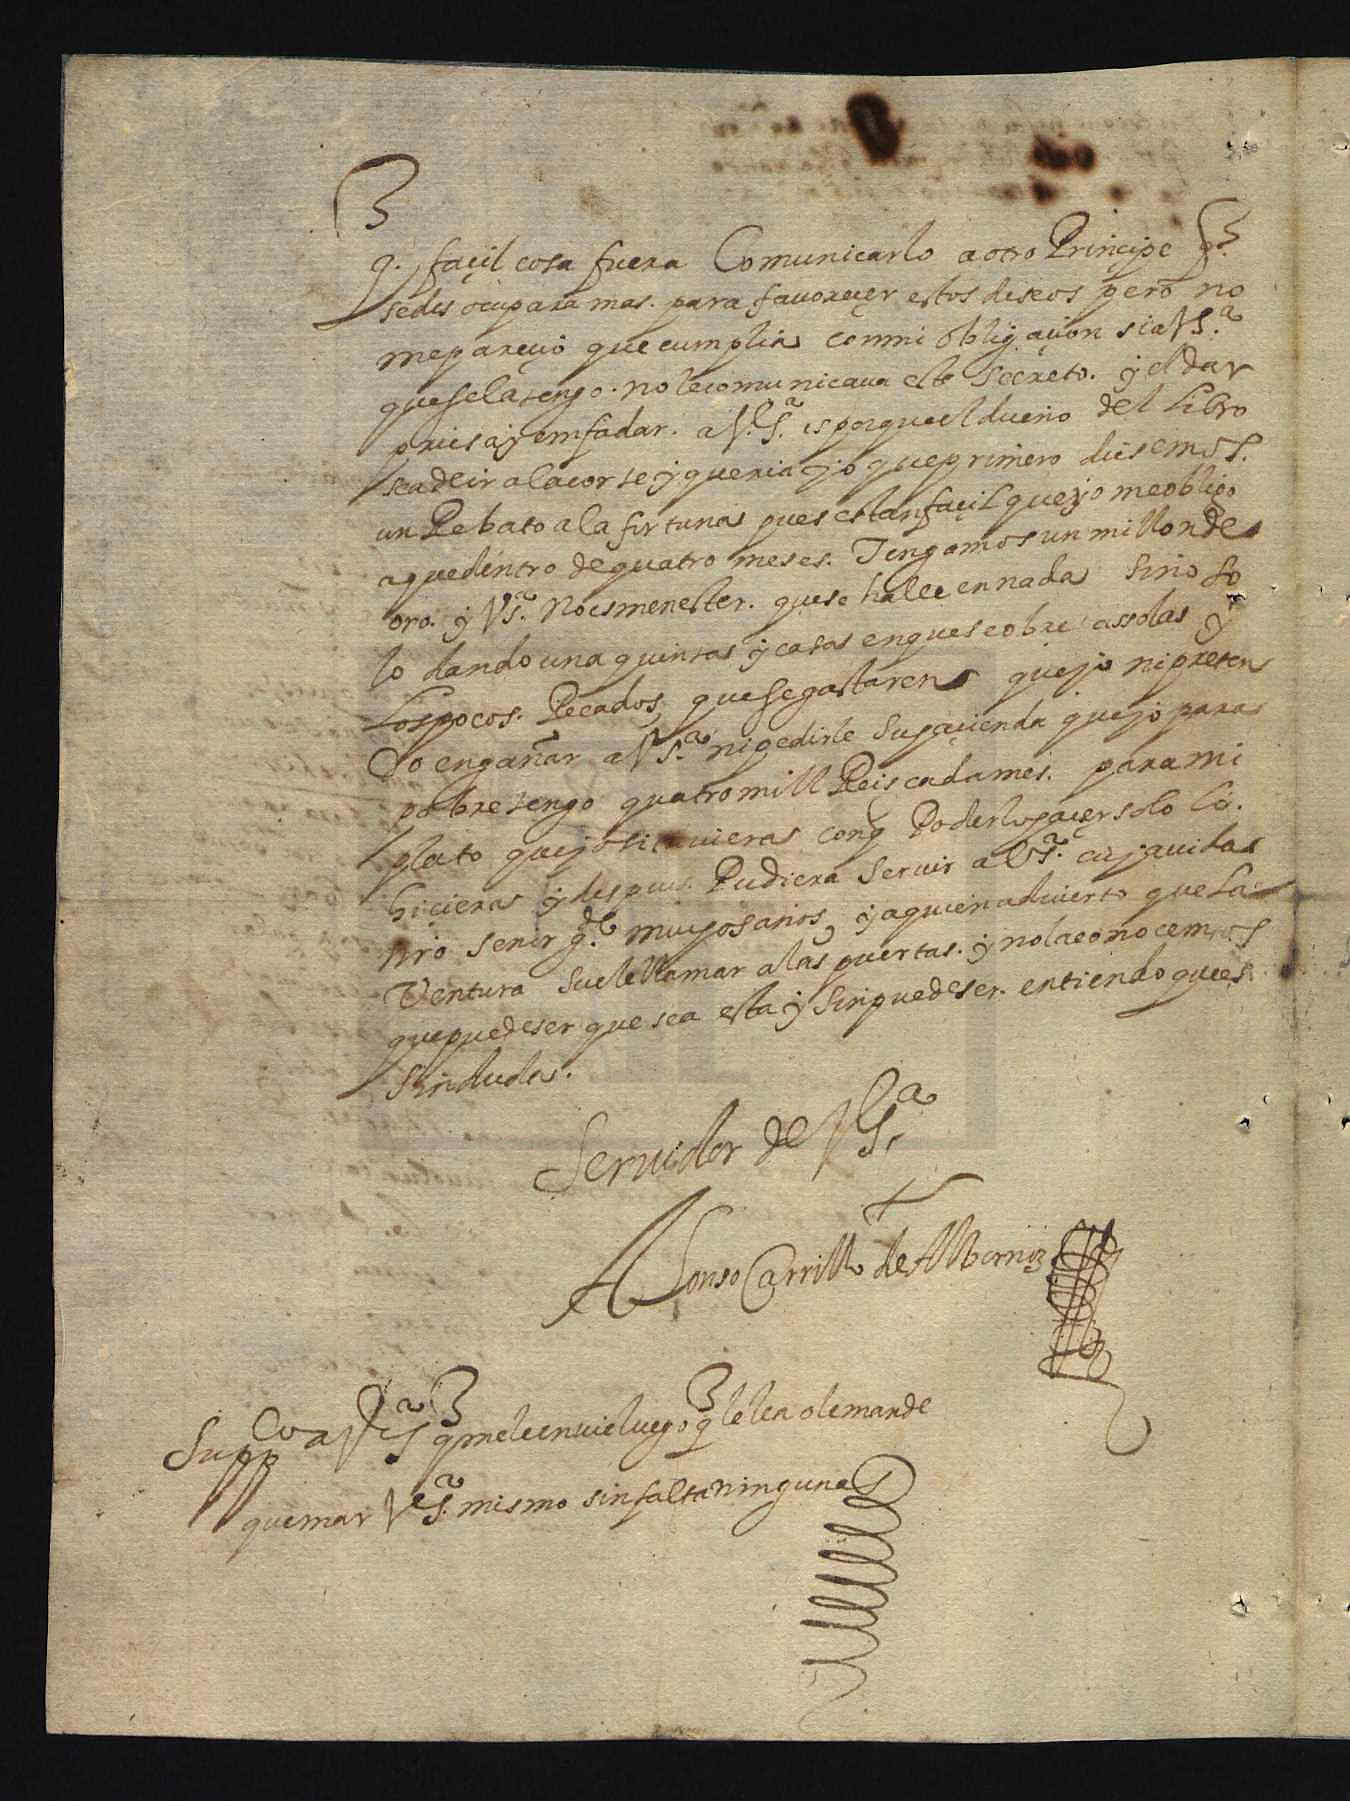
q̄ facil cosa fuera Comunicarlo a otro Principe q̄
se desocupara mas para fauorecer estos deseos pero no
me pareció que cumplia con mi obligacion si a V S.a
que se la tengo no le comunicaua este secreto. y el dar
pues ay emfadar. a V. S.a es porque el dueno del libro
se a de ir a la corte y queria yo que primero diesemos
un Rebato a la fortuna pues es tan facil que yo me obligo
a que dentro de quatro meses Tengamos un millon de
oro y V s.a no es menester que halce en nada sino so
lo dando una quinta y casa en que se obre as solas y
Los pocos. Recados, que se gastaren que jo ne preten
do engañar a V S.a ni pedirle su hacienda que jo para
pobre tengo quatro mill Reis cada mes. para mi
plato que jo si tuuiera con q̄ Poder lo hacer solo lo
hiciera y despues Pudiera seruir a V s.a cuja uida
nro senor g.de muchos anos, y a quien aduierto que la
Ventura suele llamar a las puertas y no la conocemos
que puede ser que sea esta y sin puede ser entiendo que si
sin duda.
Seruidor de V S.a
ALonso Carrillo de Albornoz
Suppco a Va S q̄ me le enuie luego q̄ le lea o le mande
quemar V S.a mismo sin falta ninguna
